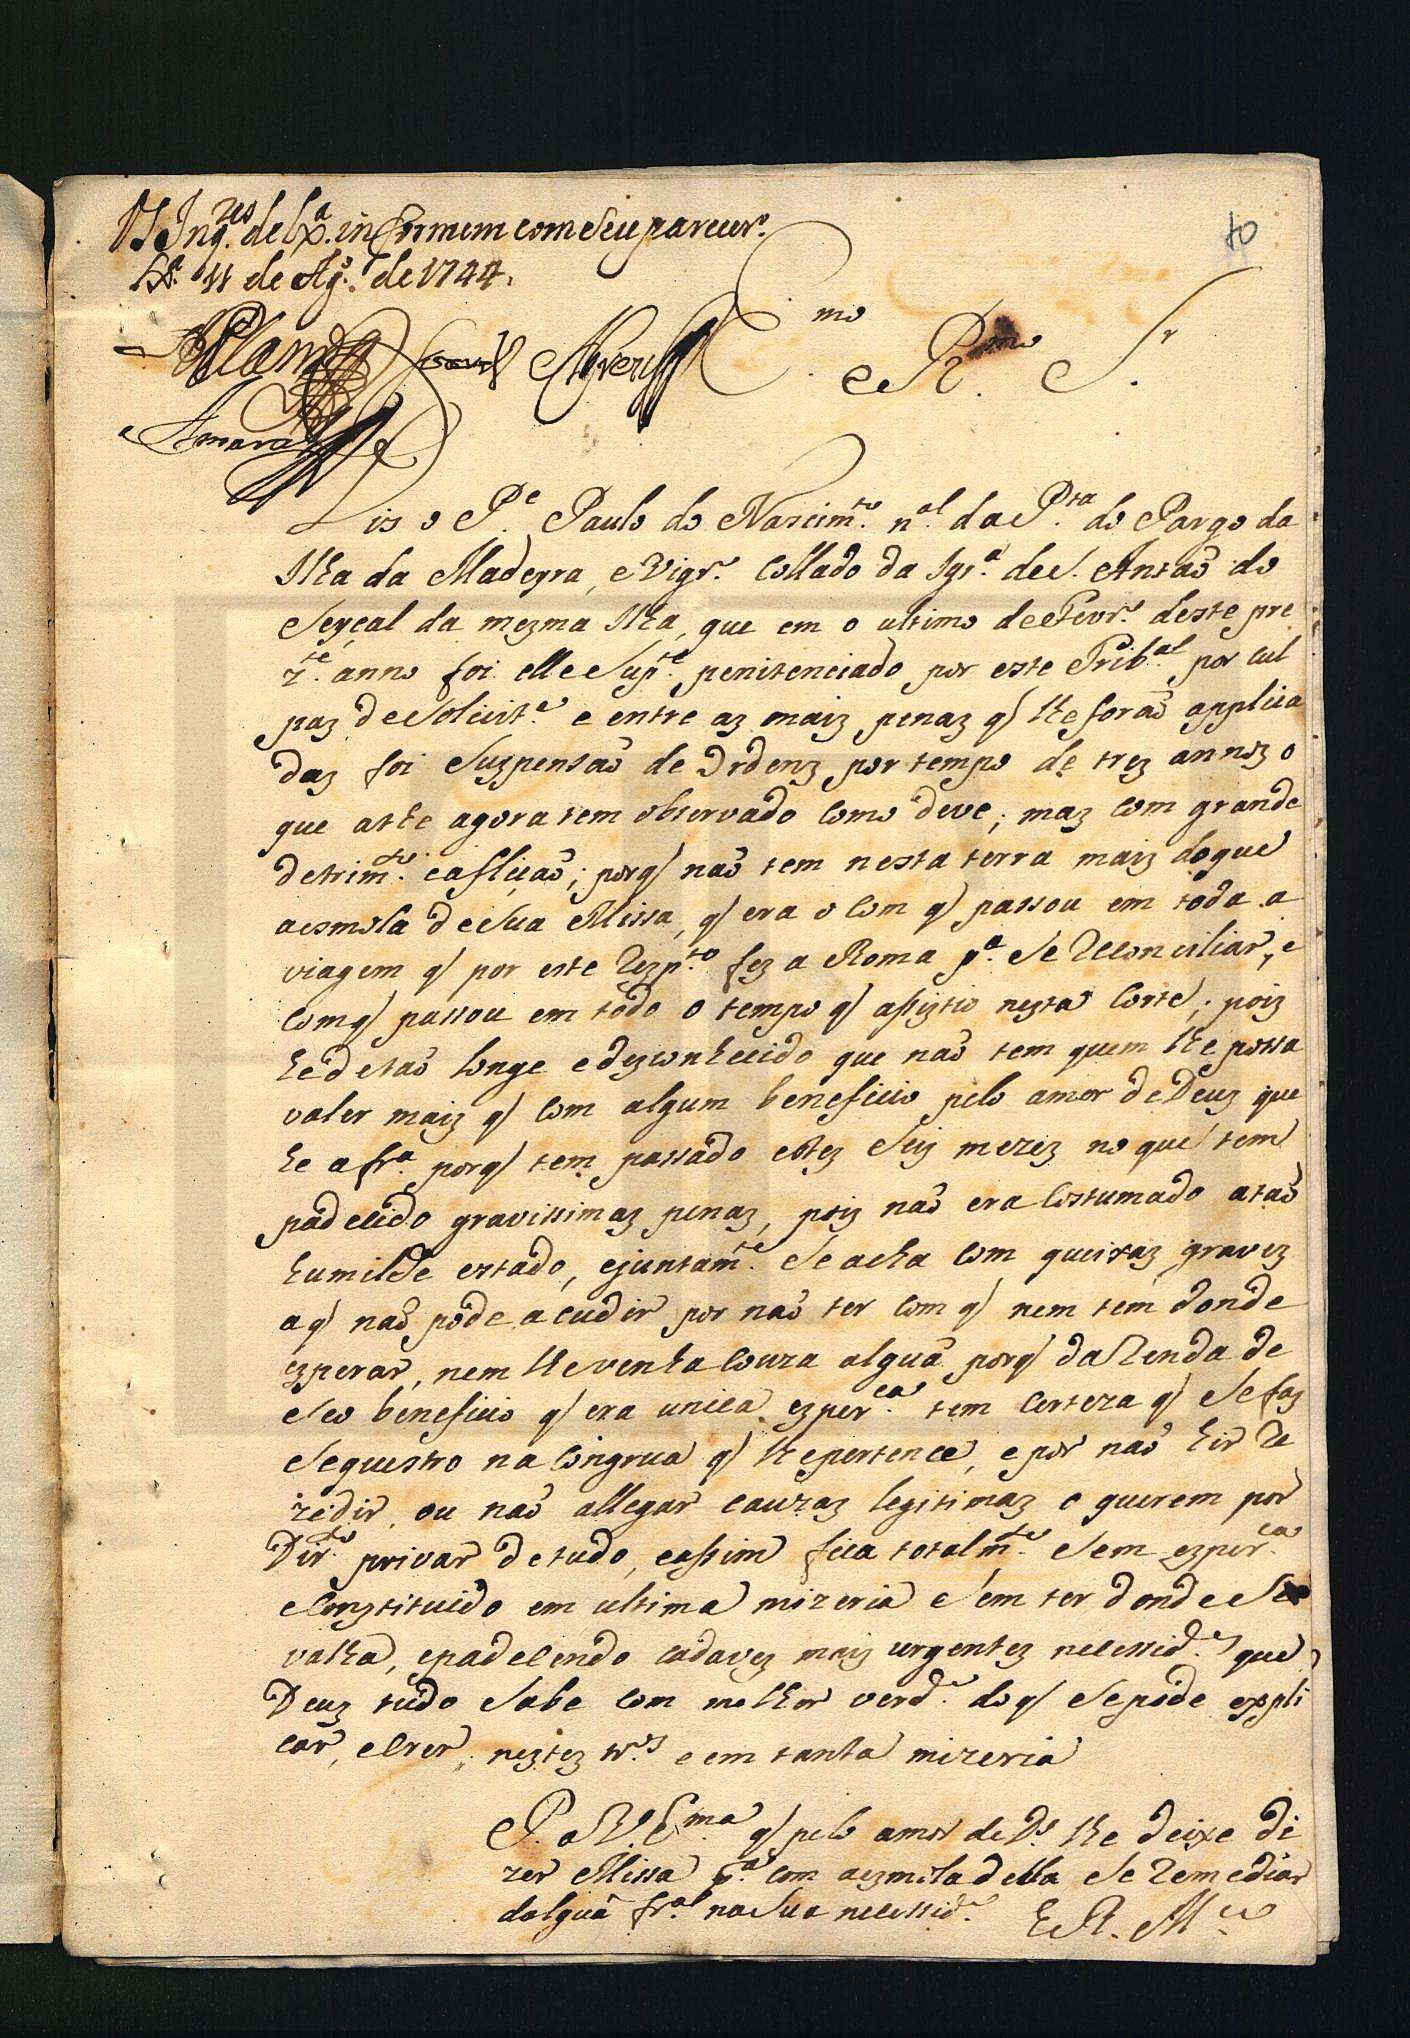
OS Inq.res de lx.a informem com seu parecer.
lx.a 11 de Ag.o de 1744.
lant̄e Sores Abreu
Amaral
E.mo e R.mo S.r
Dis o P.e Paulo do Nascim.to n.al da P.ta do Pargo da
Ilha da Madeyra, e Vigr.o collado da Igr.a de S. Antaõ do
Seyçal da mezma Ilha, que em o ultimo de Fevr.o deste pre
z.te anno foi elle Sup.te penitenciado por este Trib.al por cul
paz de Solicit.a e entre az maiz penaz q̄ lhe foraõ applica
daz foi Suzpensaõ de Ordenz por tempo de trez annoz o
que athe agora tem observado como deve, maz com grande
detrim.to e afliçaõ; porq̄ naõ tem nesta terra maiz do que
a esmola de sua Missa, q̄ era o com q̄ passou em toda a
viagem q̄ por este Rezp.to fez a Roma p.a se Reconciliar, e
com q̄ passou em todo o tempo q̄ assiztio nezta corte; poiz
he de taõ longe e dezconhecido que naõ tem quem lhe possa
valer maiz q̄ com algum beneficio pelo amor de Deuz que
he a fr.a porq̄ tem passado estez seiz mezez no que tem
padecido gravissimaz penaz, poiz naõ era costumado a taõ
humilde estado, e juntam.te Se acha com queixaz gravez
a q̄ naõ pode acudir por naõ ter com q̄ nem tem donde
ezperar, nem lhe venha couza alguā porq̄ da Renda de
seo beneficio q̄ era unica ezper.ça tem certeza q̄ se faz
sequestro na congrua q̄ lhe pertence, e por naõ hir Re
zidir, ou naõ allegar cauzaz legitimaz o querem por
Dir.to privar de tudo, e assim fica totalm.te sem esper.ça
e conztituido em ultima mizeria sem ter donde se
valha, e padecendo cada vez maiz urgentez necessid.es que
Deuz tudo Sabe com melhor verd.e do q̄ se pode expli
car, e crer, neztez tr.os e em tanta mizeria
P. a V. E.ma q̄ pelo amor de D.s lhe deixe di
zer Missa p.a com a ezmola della se Remediar
dalguā fr.a na sua necessid.e
E R. M.ce
